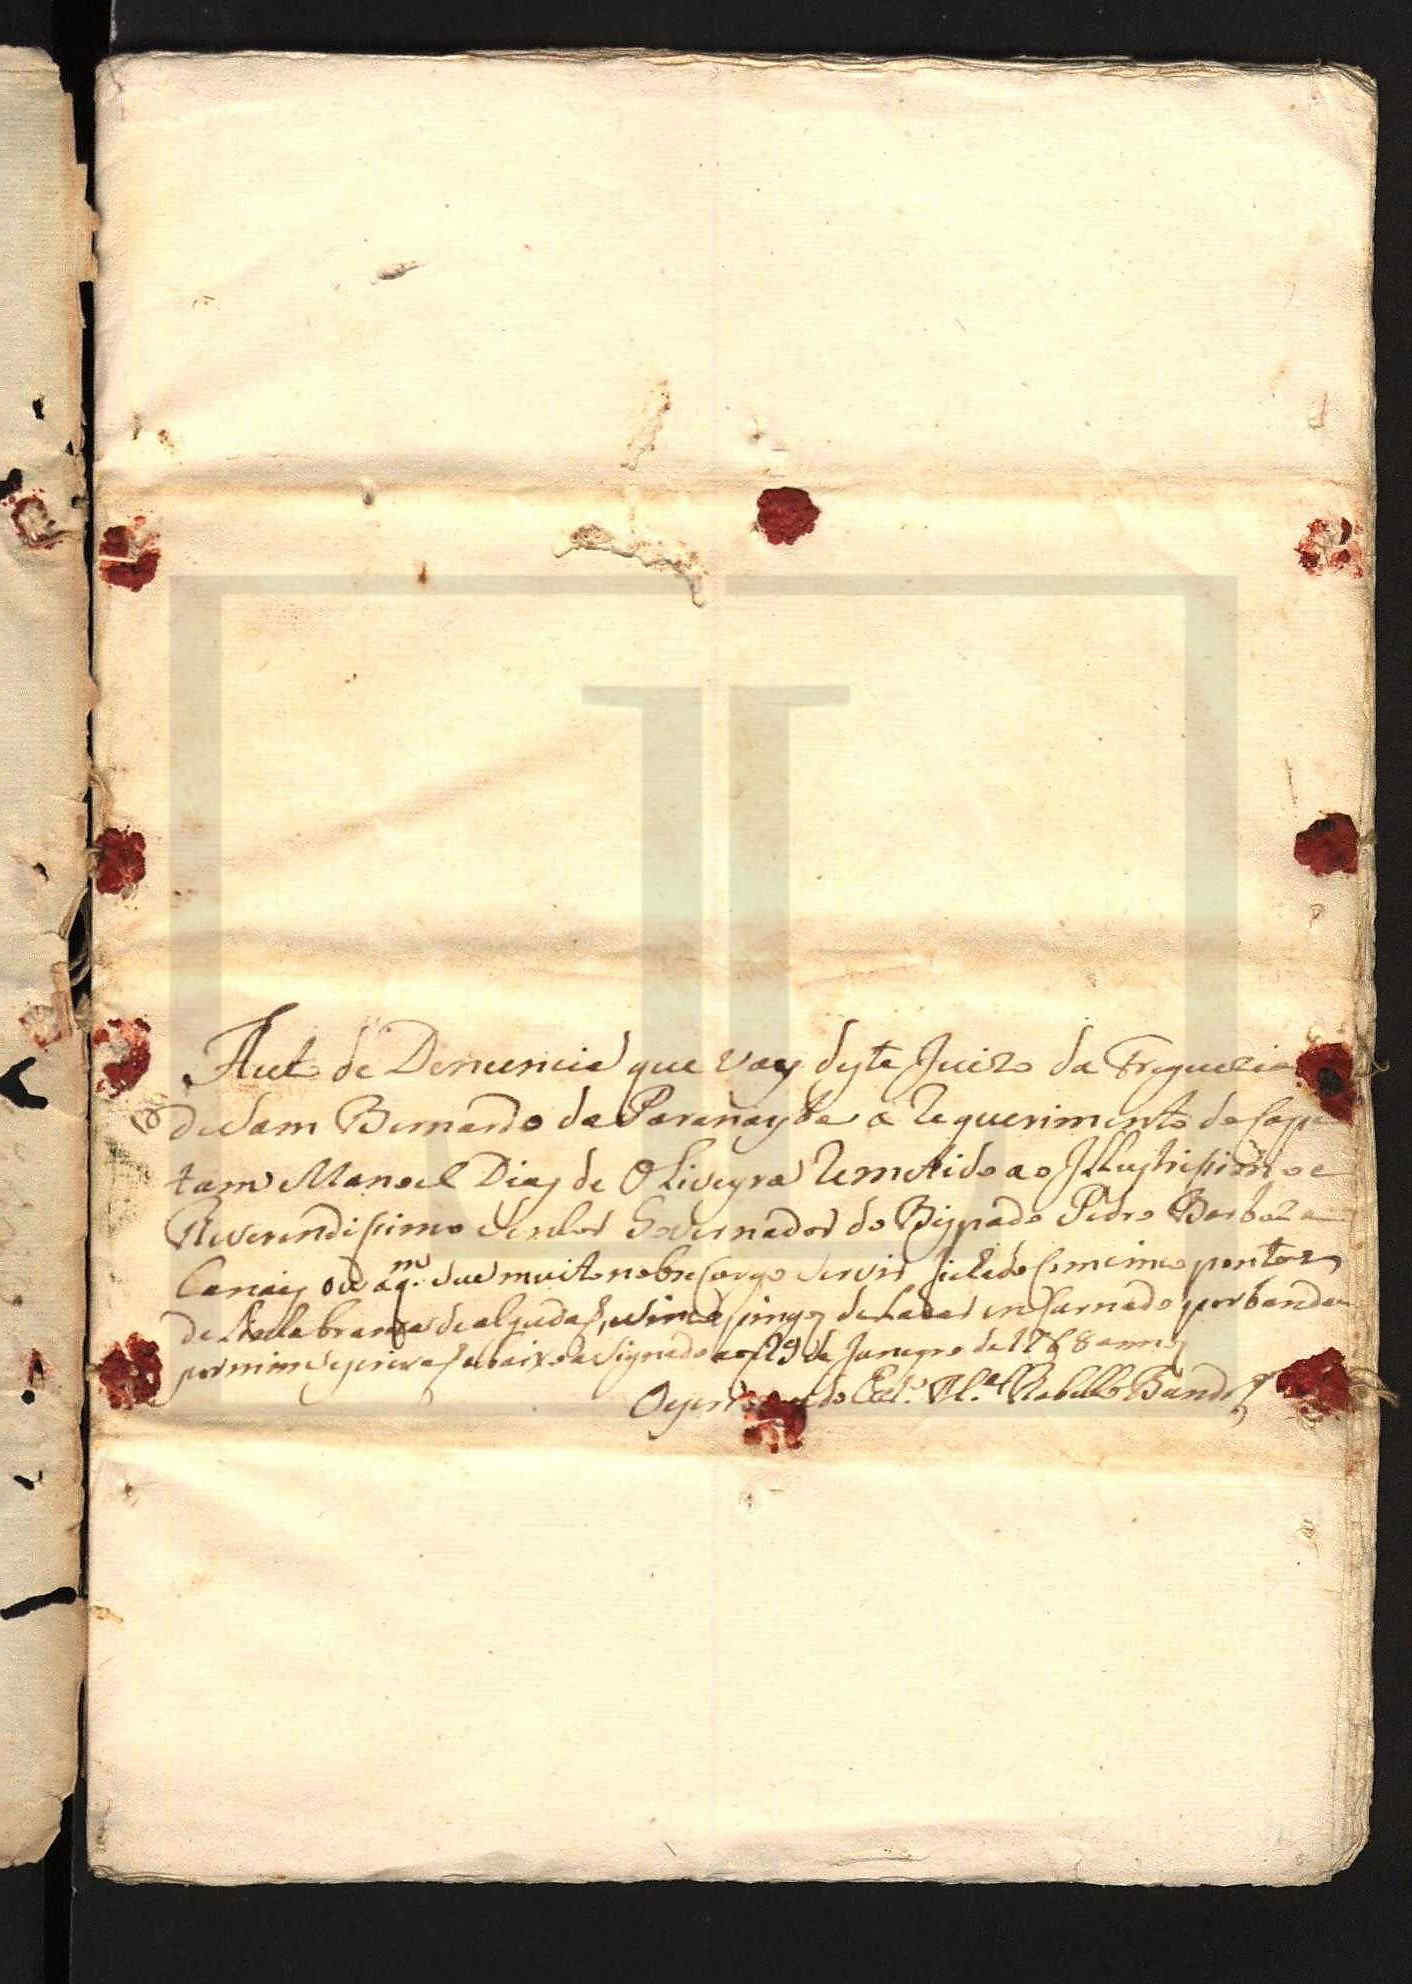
Auto de Denuncia que vay deste Juizo da Freguezia
de Sam Bernardo da Paranayba a Requerimento do Capi
tam Manoel Dias de OLiveyra Remetido ao Jllustrissimo e
Reverendissimo Senhor Governador do Bispado Pedro Barboza
Canais ou a q.m seu muito nobre Cargo servir fichado Com cinco pontoz
de Linha branca de algudaõ, e sinco pingos de Lacar enCarnado por banda
por mim escrivaõ abaixo aSignado aos 29 de Janeyro de 1768 annos
O escriv do Eccl.o M.el Rabello Bandaõ
